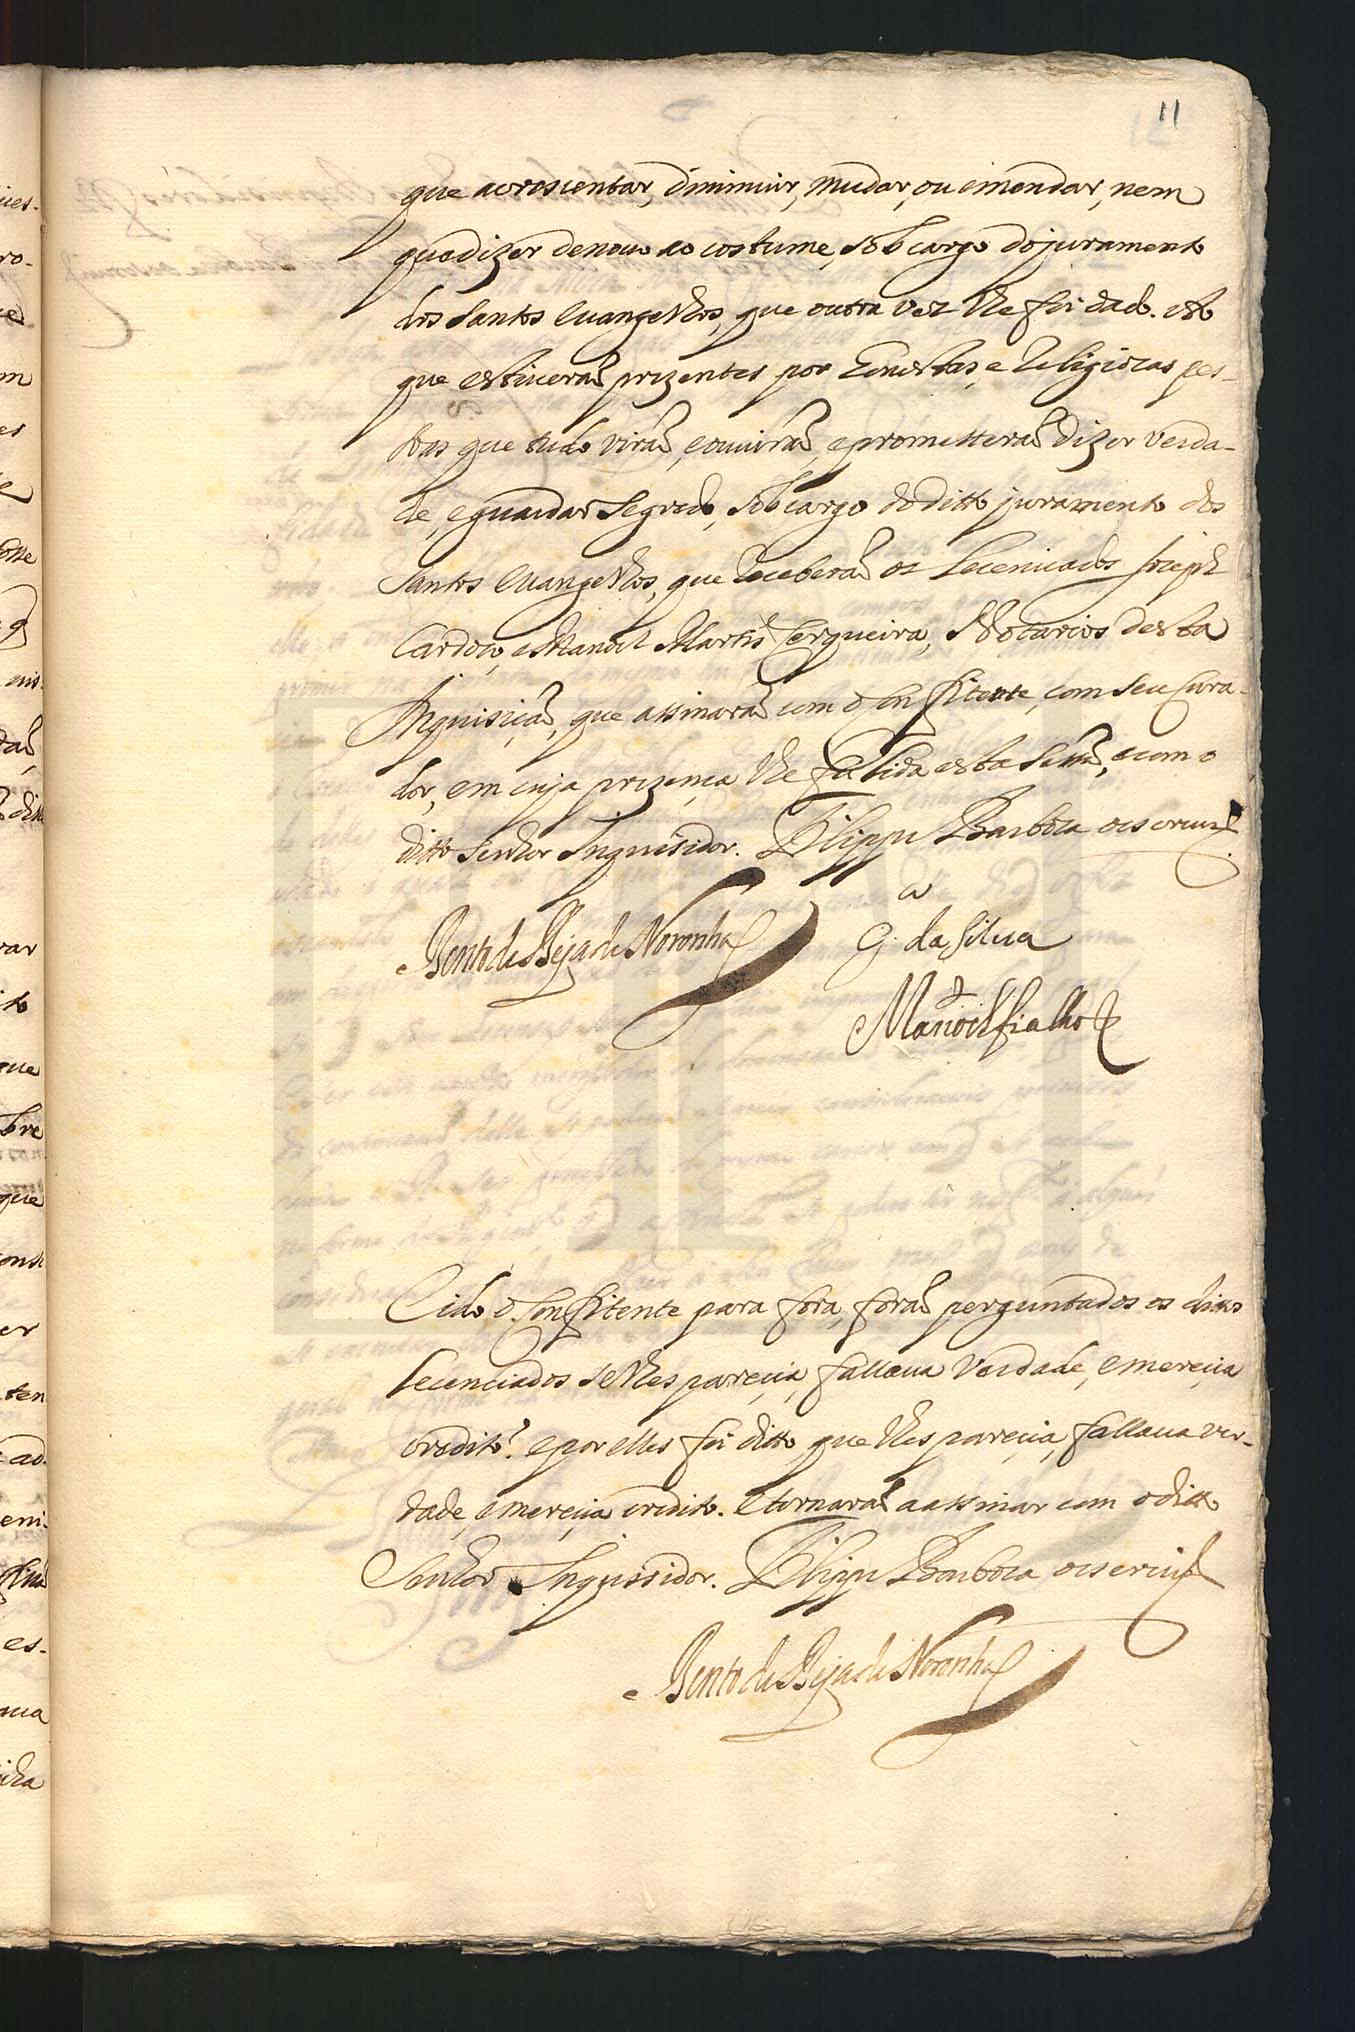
que acrescentar, diminuir, mudar, ou emendar, nem
que dizer de nouo do costume, sob cargo do juramento
dos santos Euangelhos, que outra vez lhe foi dado. Ao
que estiueraõ prezentes por honestas, e Religiozas pes
soas que tudo virão, e ouuirão, e prometteraõ dizer verda
de, e guardar segredo, sob cargo do ditto juramento dos
santos euangelhos, que Receberaõ os Lecenciados Jozeph
Cardozo, e Manoel Martis̄ Cerqueira, Notarios desta
Inquisição, que assinarão com o Confitente, com seu Cura
dor, em cuja prezença lhe foi lida esta sessão, e com o
ditto senhor Inquisidor. Filippe Barboza o escreui.
E ido o Confitente para fora, foraõ perguntados os dittos
Lecenciados se lhes pareçia, fallaua verdade, e mereçia
credito? e por elles foi ditto que lhes pareçia fallaua ver
dade, e mereçia credito. e tornaraõ a assinar com o ditto
Senhor Inquisidor. Filippe Barboza o escreuj.
